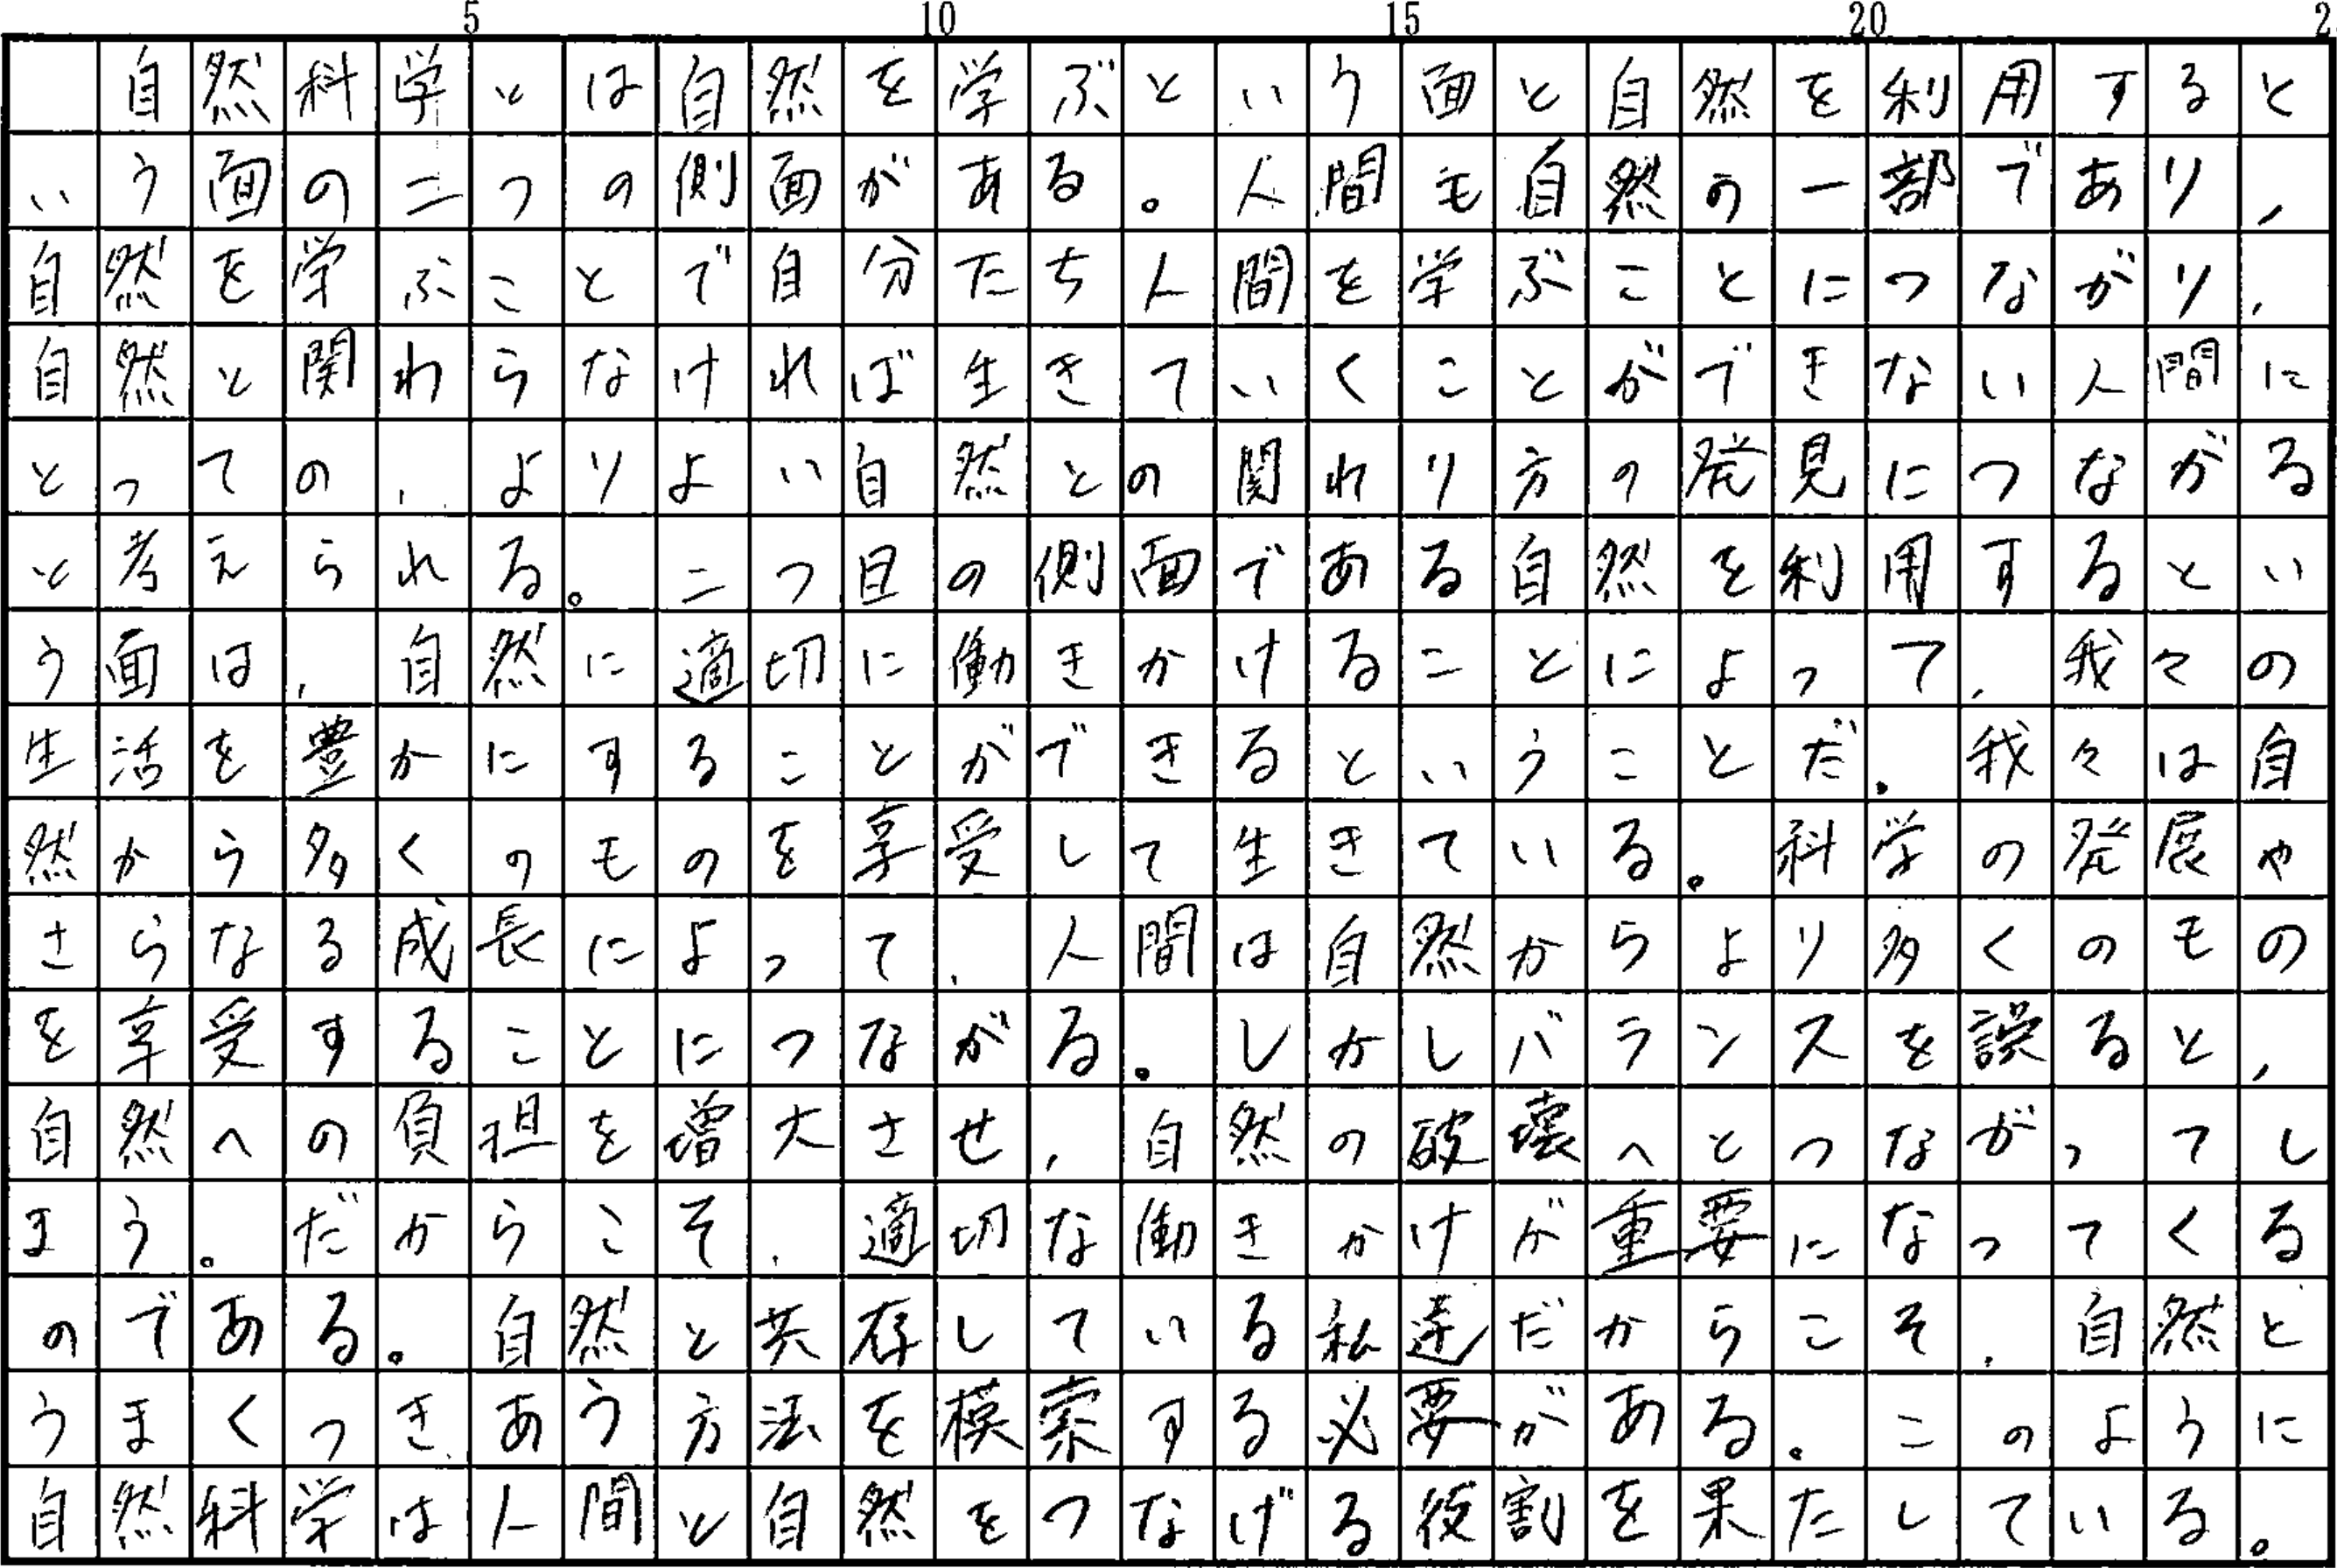　自然科学とは自然を学ぶという面と自然を利用するという面の二つの側面がある。人間も自然の一部であり、自然を学ぶことで自分たち人間を学ぶことにつながり、自然と関わらなければ生きていくことができない人間にとっての、よりよい自然との関わり方の発見につながると考えられる。二つ目の側面である自然を利用するという面は、自然に適切に働きかけることによって、我々の生活を豊かにすることができるということだ。我々は自然から多くのものを享受して生きている。科学の発展やさらなる成長によって、人間は自然からより多くのものを享受することにつながる。しかしバランスを誤ると、自然への負担を増大させ、自然の破壊へとつながってしまう。だからこそ、適切な働きかけが重要になってくるのである。自然と共存している私達だからこそ、自然とうまくつきあう方法を模索する必要がある。このように自然科学は人間と自然をつなげる役割を果たしている。
